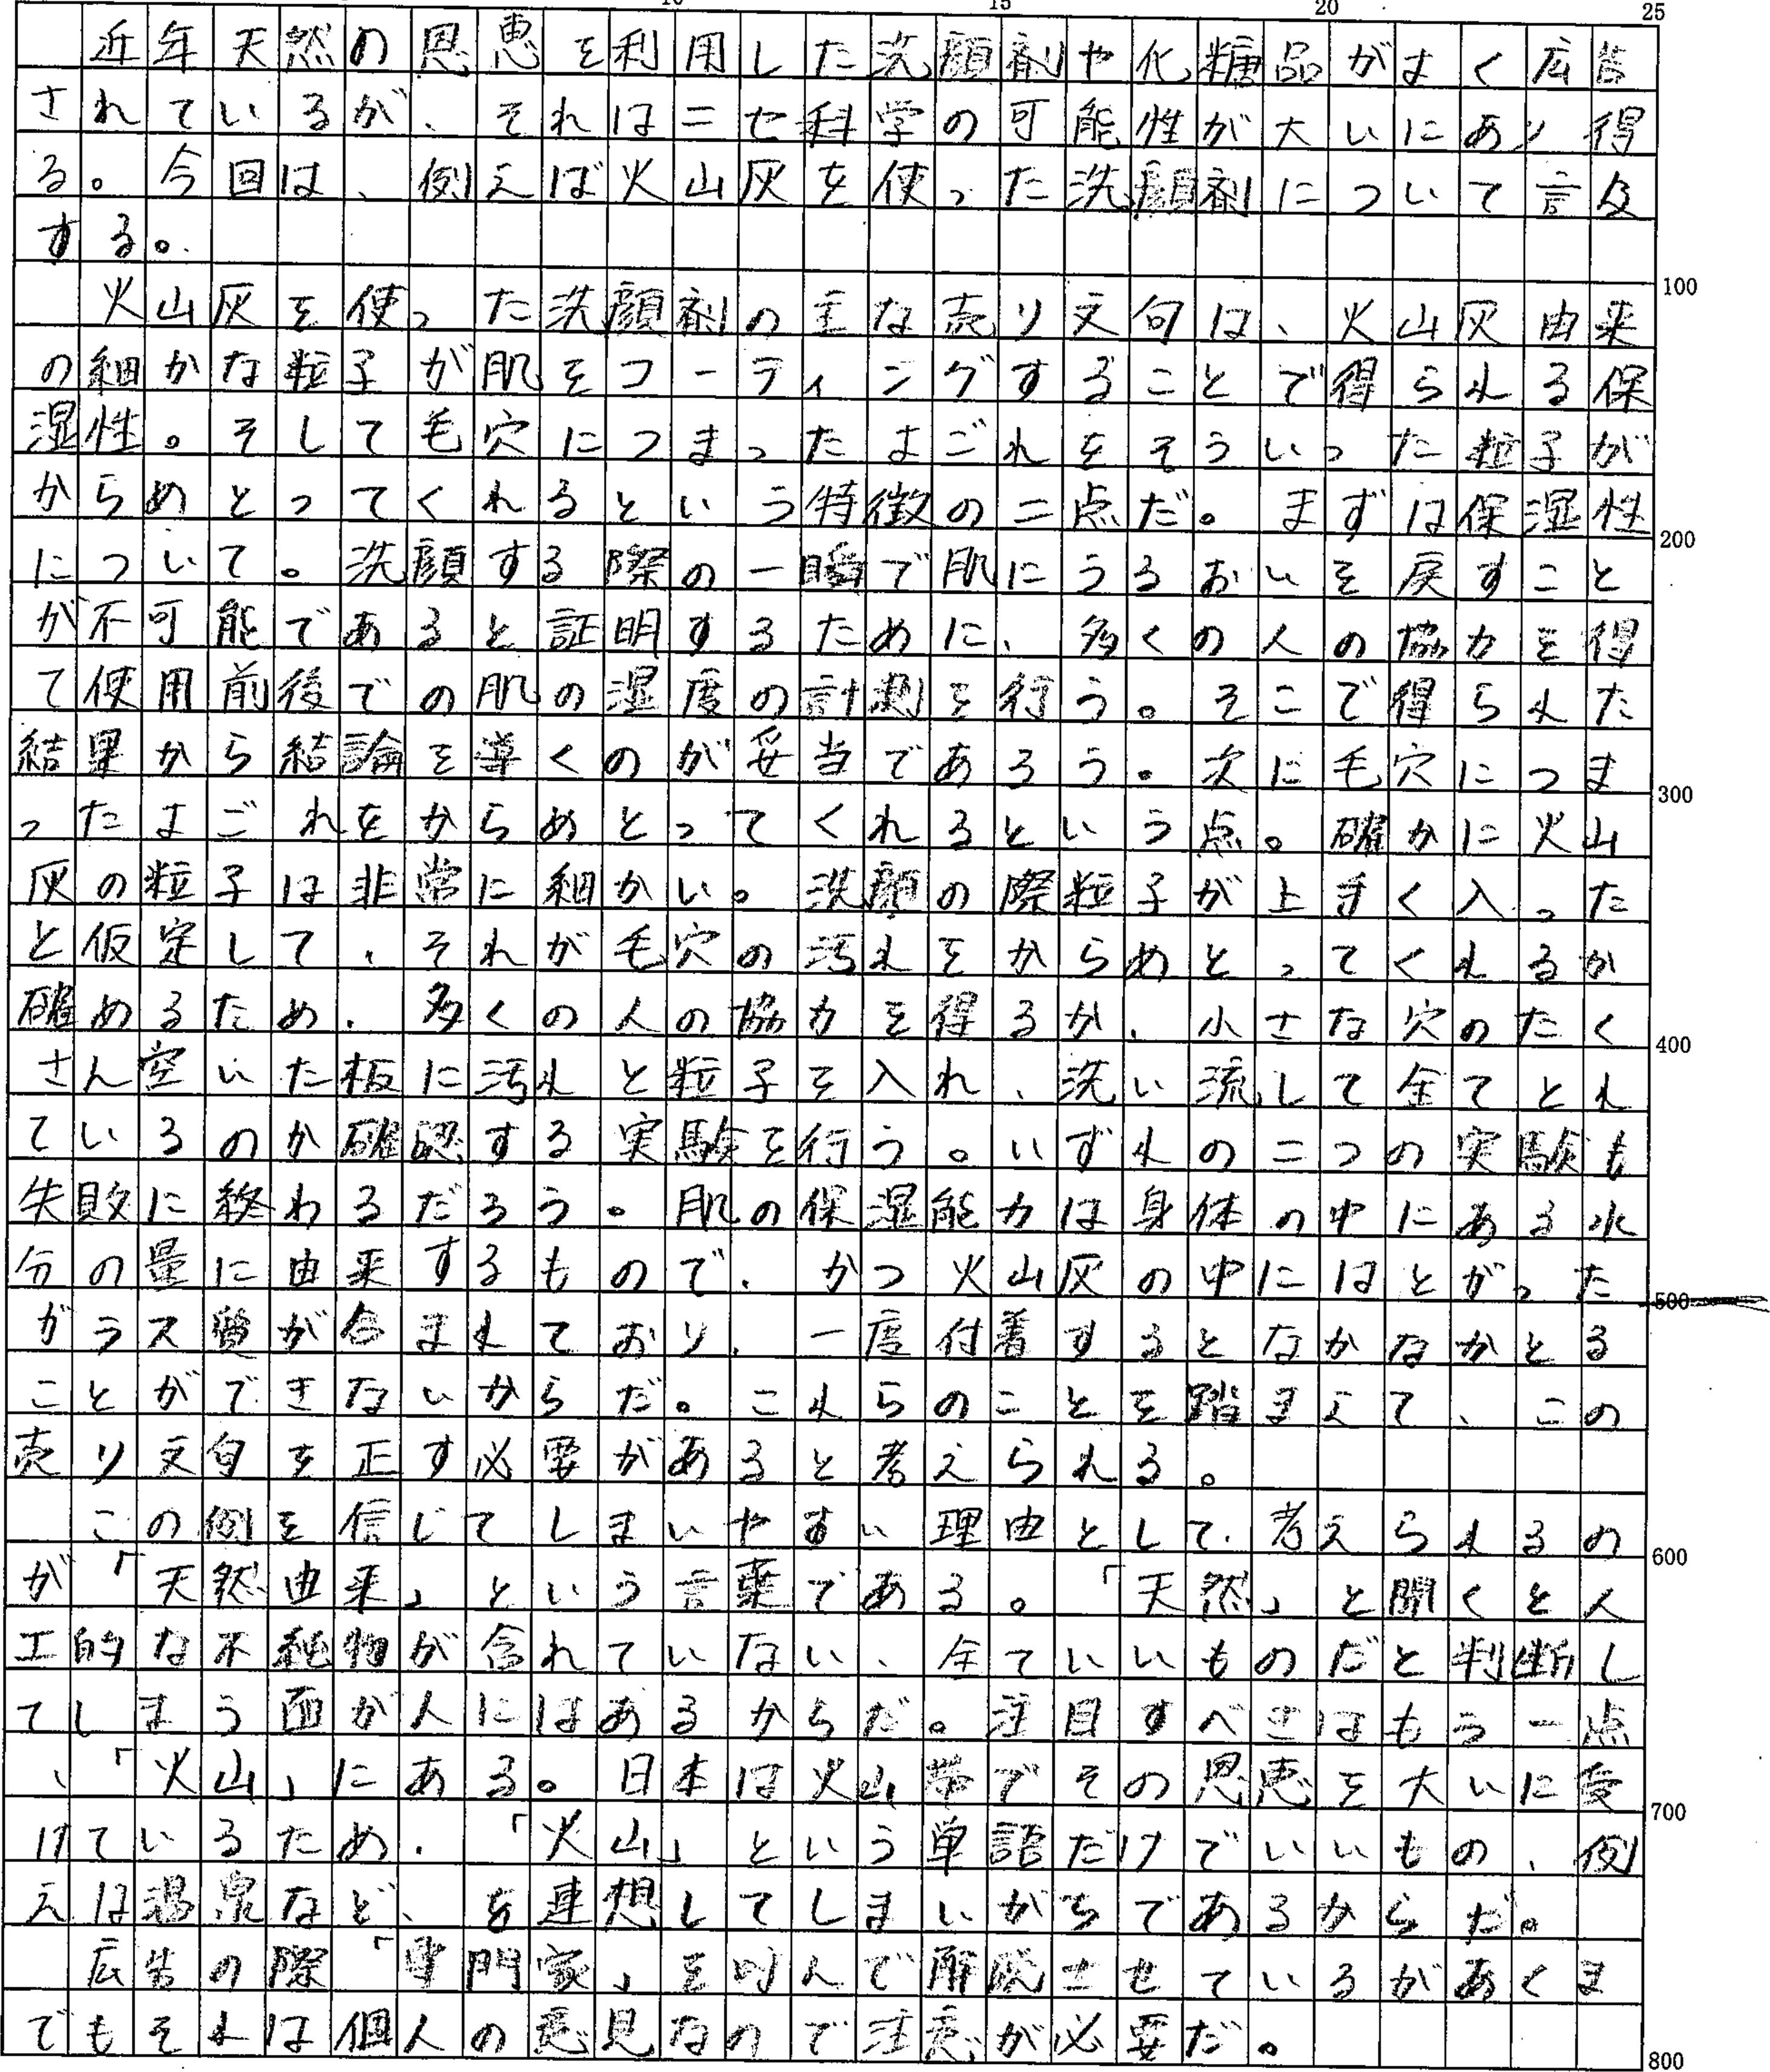　近年天然の恩恵を利用した洗顔剤や化糖品がよく広告されているが、それはニセ科学の可能性が大いにあり得る。今回は、例えば火山灰を使った洗顔剤について言及する。
　火山灰を使った洗顔剤の主な売り文句は、火山灰由来の細かな粒子が肌をコーティングすることで得られる保湿性。そして毛穴につまったよごれをそういった粒子がからめとってくれるという特徴の二点だ。まずは保湿性について。洗顔する際の一瞬で肌にうるおいを戻すことが不可能であると証明するために、多くの人の協力を得て使用前後での肌の湿度の計測を行う。そこで得られた結果から結論を導くのが妥当であろう。次に毛穴につまったよごれをからめとってくれるという点。確かに火山灰の粒子は非常に細かい。洗顔の際粒子が上手く入ったと仮定して、それが毛穴の汚れをからめとってくれるか確めるため、多くの人の協力を得るか、小さな穴のたくさん空いた板に汚れと粒子を入れ、洗い流して全てとれているのか確認する実験を行う。いずれの二つの実験も失敗に終わるだろう。肌の保湿能力は身体の中にある水分の量に由来するもので、かつ火山灰の中にはとがったガラス質が含まれており、一度付着するとなかなかとることができないからだ。これらのことを踏まえて、この売り文句を正す必要があると考えられる。
　この例を信じてしまいやすい理由として考えられるのが「天然由来」という言葉である。「天然」と聞くと人工的な不純物が含れていない、全ていいものだと判断してしまう面が人にはあるからだ。注目すべきはもう一点、「火山」にある。日本は火山帯でその恩恵を大いに受けているため、「火山」という単語だけでいいもの、例えは温泉など、を連想してしまいがちであるからだ。
　広告の際「専門家」を呼んで解説させているがあくまでもそれは個人の意見なので注意が必要だ。
